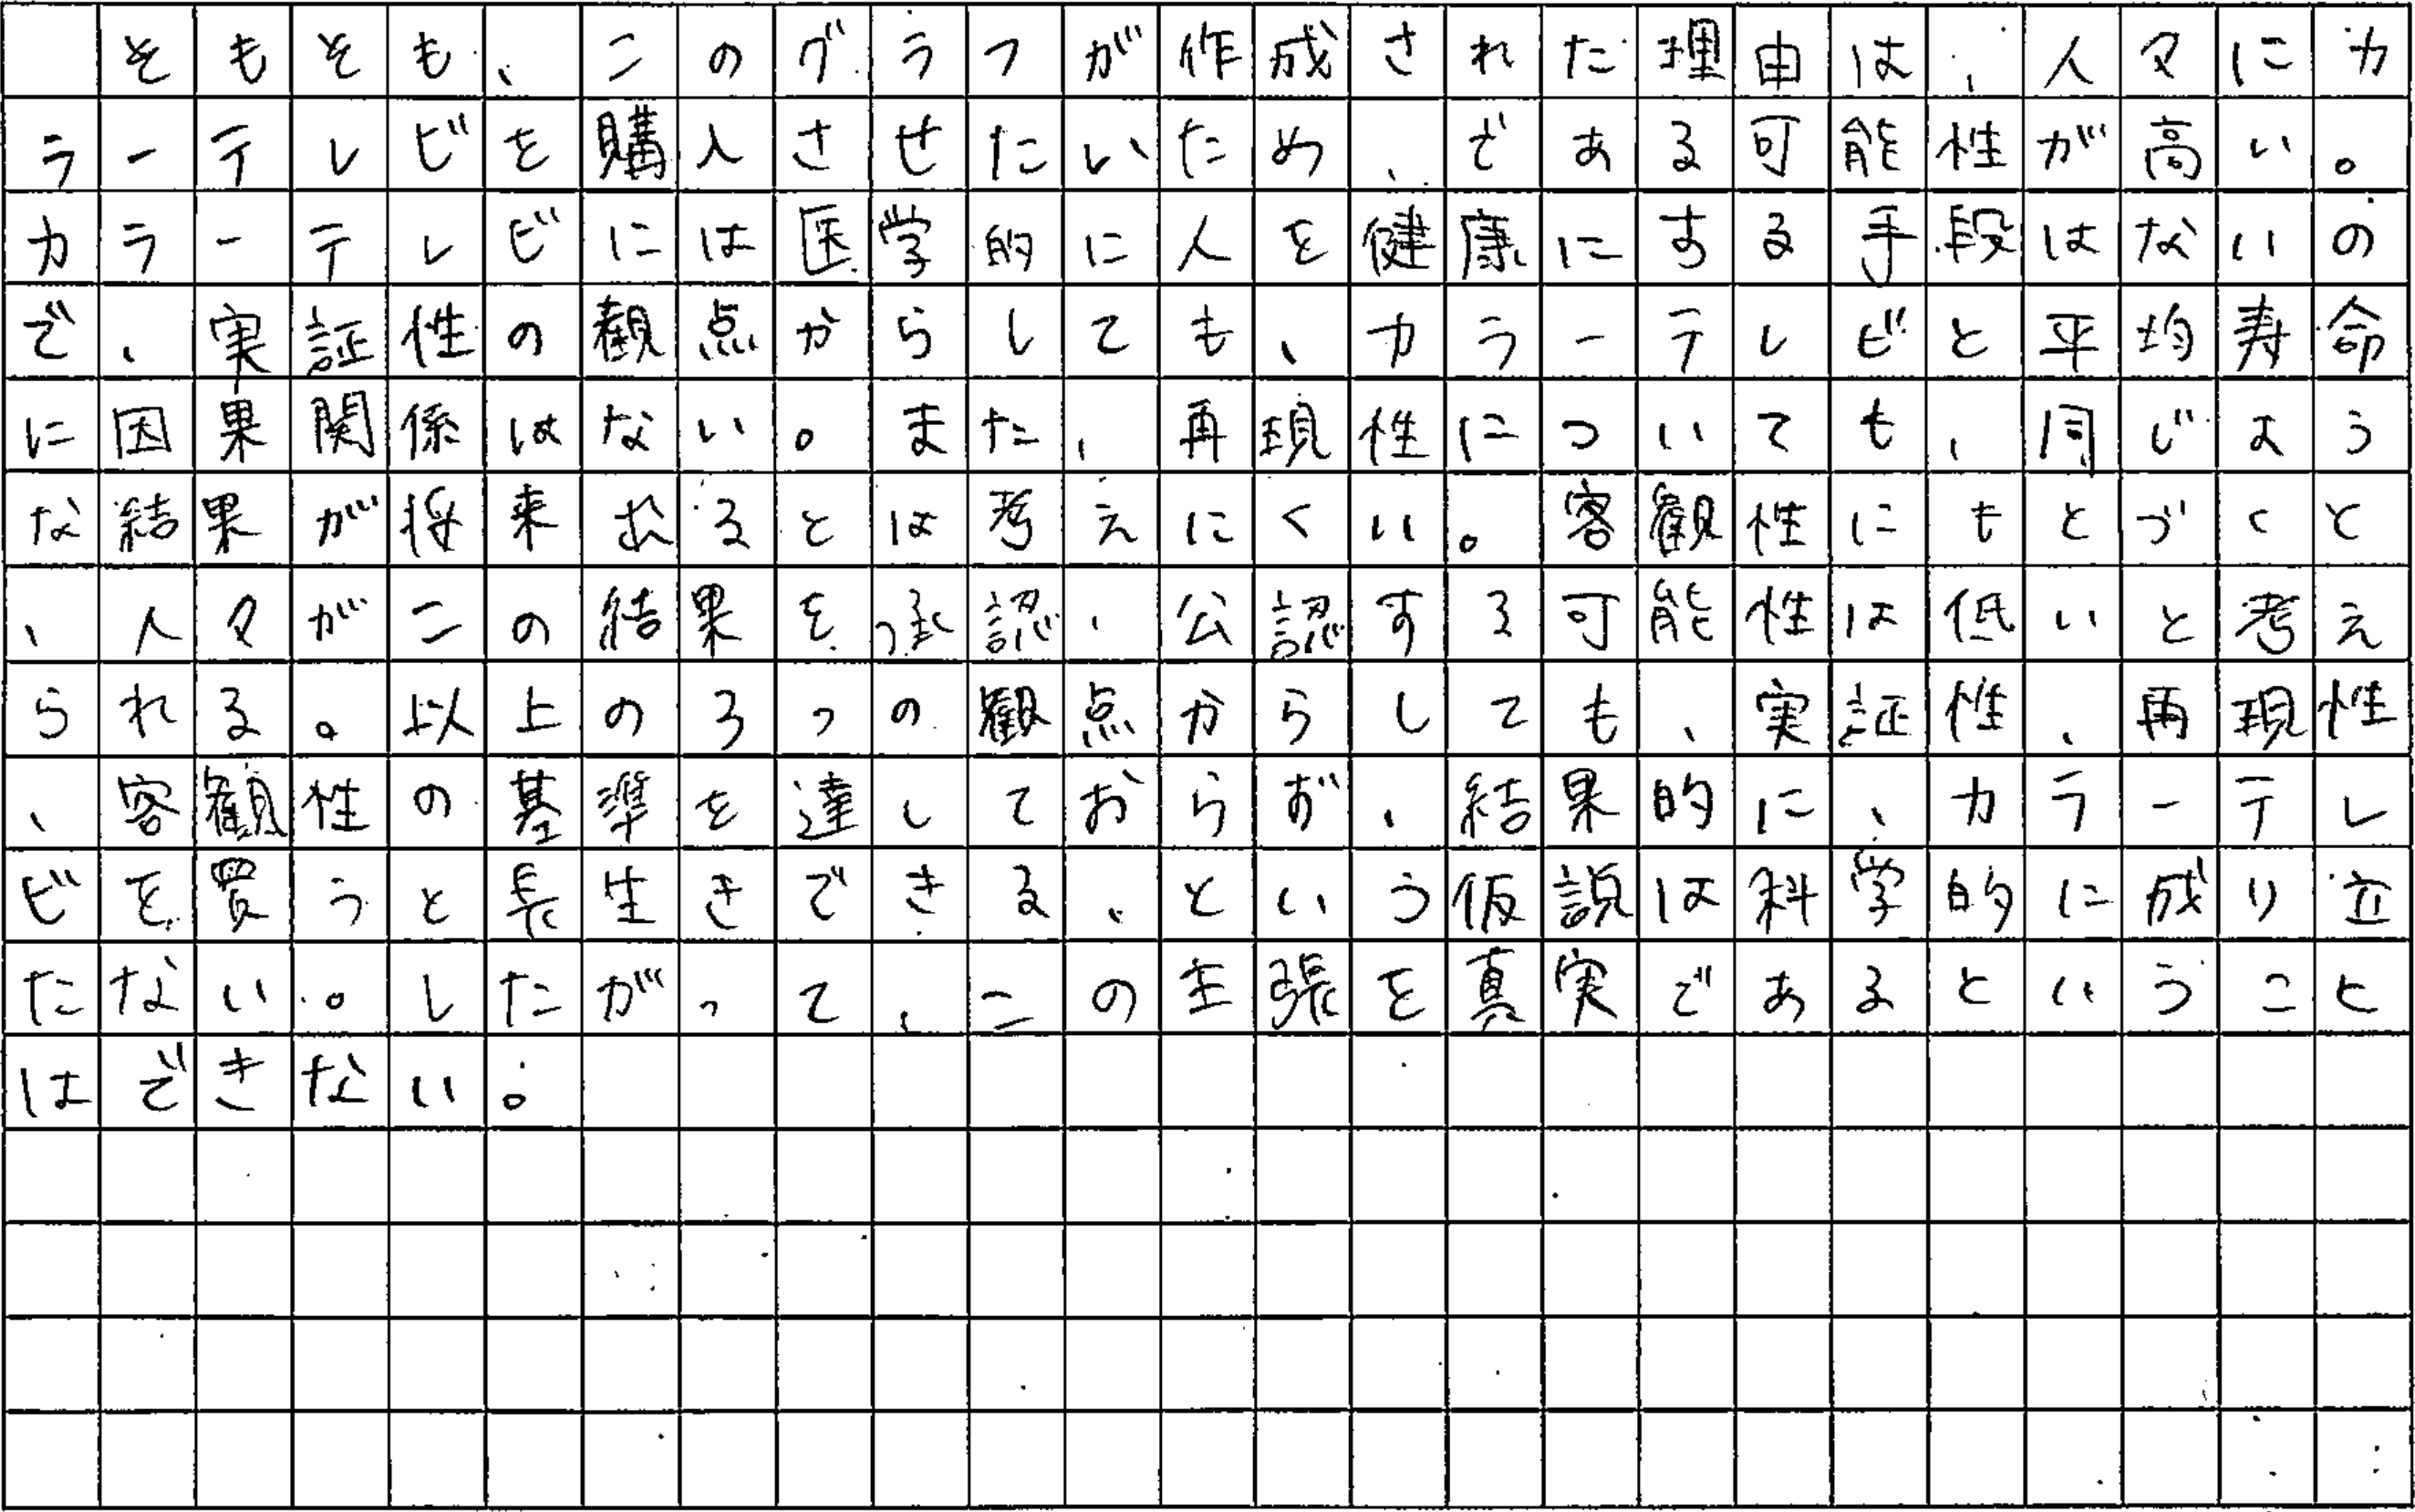　そもそも、このグラフが作成された理由は、人々にカラーテレビを購入させたいため、である可能性が高い。カラーテレビには医学的に人を健康にする手段はないので、実証性の観点からしても、カラーテレビと平均寿命に因果関係はない。また、再現性についても、同じような結果が将来出るとは考えにくい。客観性にもとづくと、人々がこの結果を承認・公認する可能性は低いと考えられる。以上の３つの観点からしても、実証性、再現性、客観性の基準を達しておらず、結果的に、カラーテレビを買うと長生きできる、という仮説は科学的に成り立たない。したがって、この主張を真実であるということはできない。
